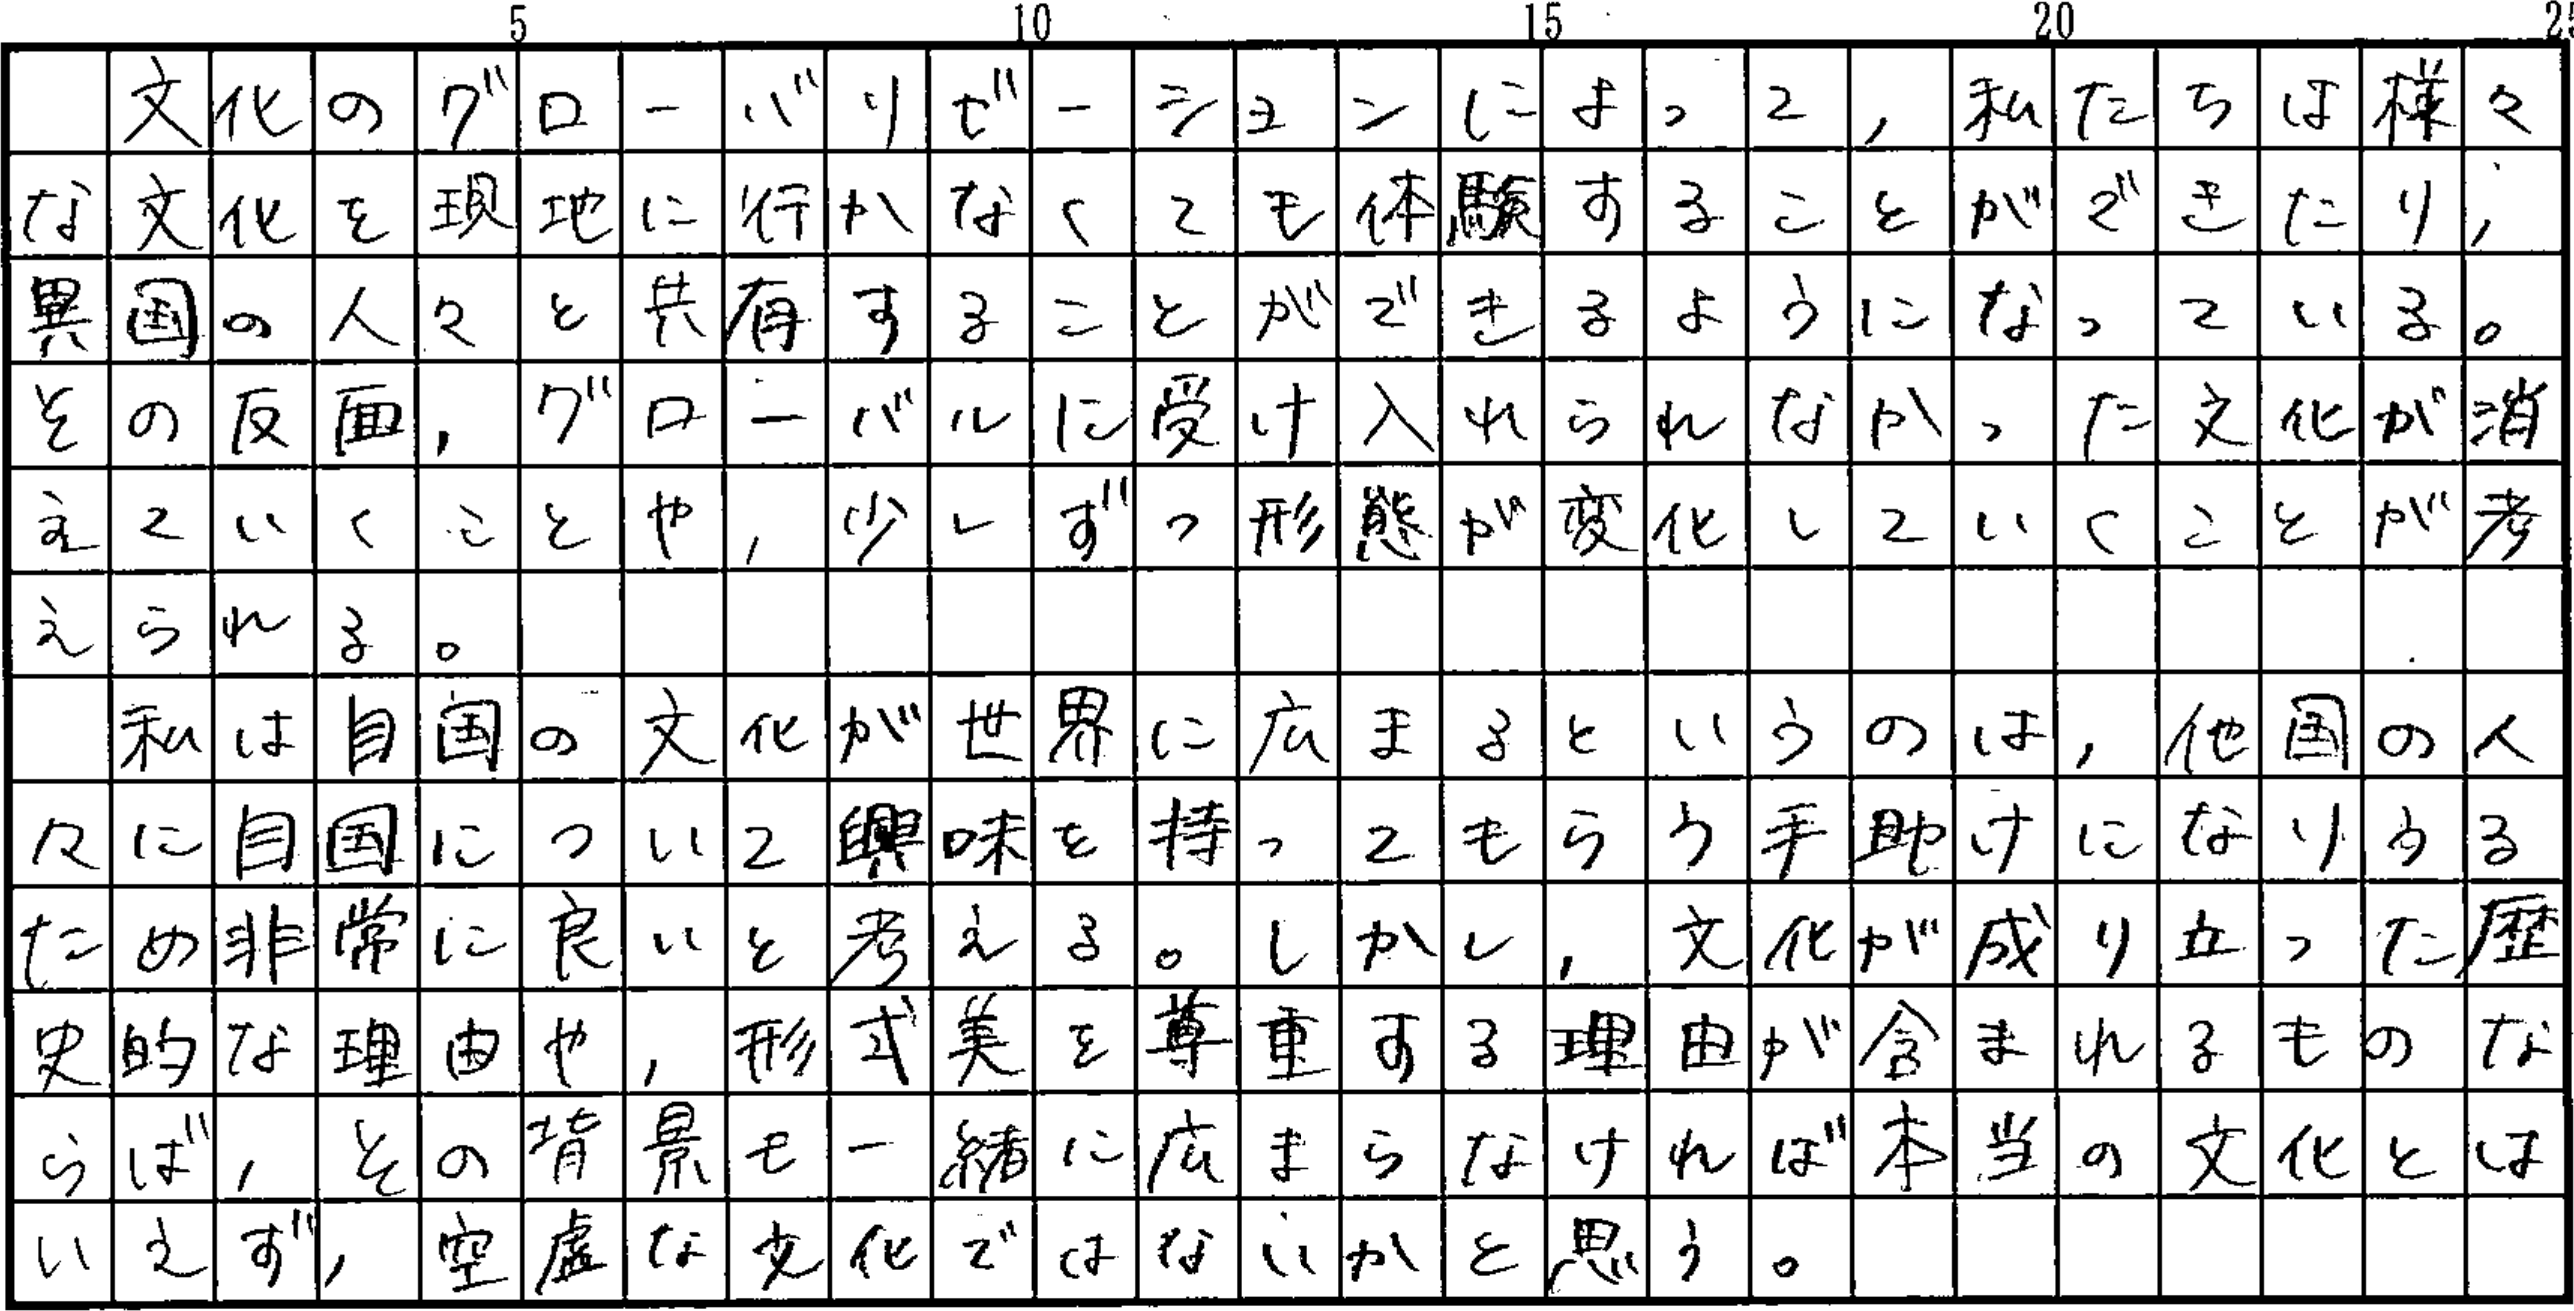　文化のグローバリゼーションによって、私たちは様々な文化を現地に行かなくても体験することができたり、異国の人々と共有することができるようになっている。その反面、グローバルに受け入れられなかった文化が消えていくことや、少しずつ形態が変化していくことが考えられる。
　私は自国の文化が世界に広まるというのは、他国の人々に自国について興味を持ってもらう手助けになりうるため非常に良いと考える。しかし、文化が成り立った歴史的な理由や、形式美を尊重する理由が含まれるものならば、その背景も一緒に広まらなければ本当の文化とはいえず、空虚な文化ではないかと思う。
